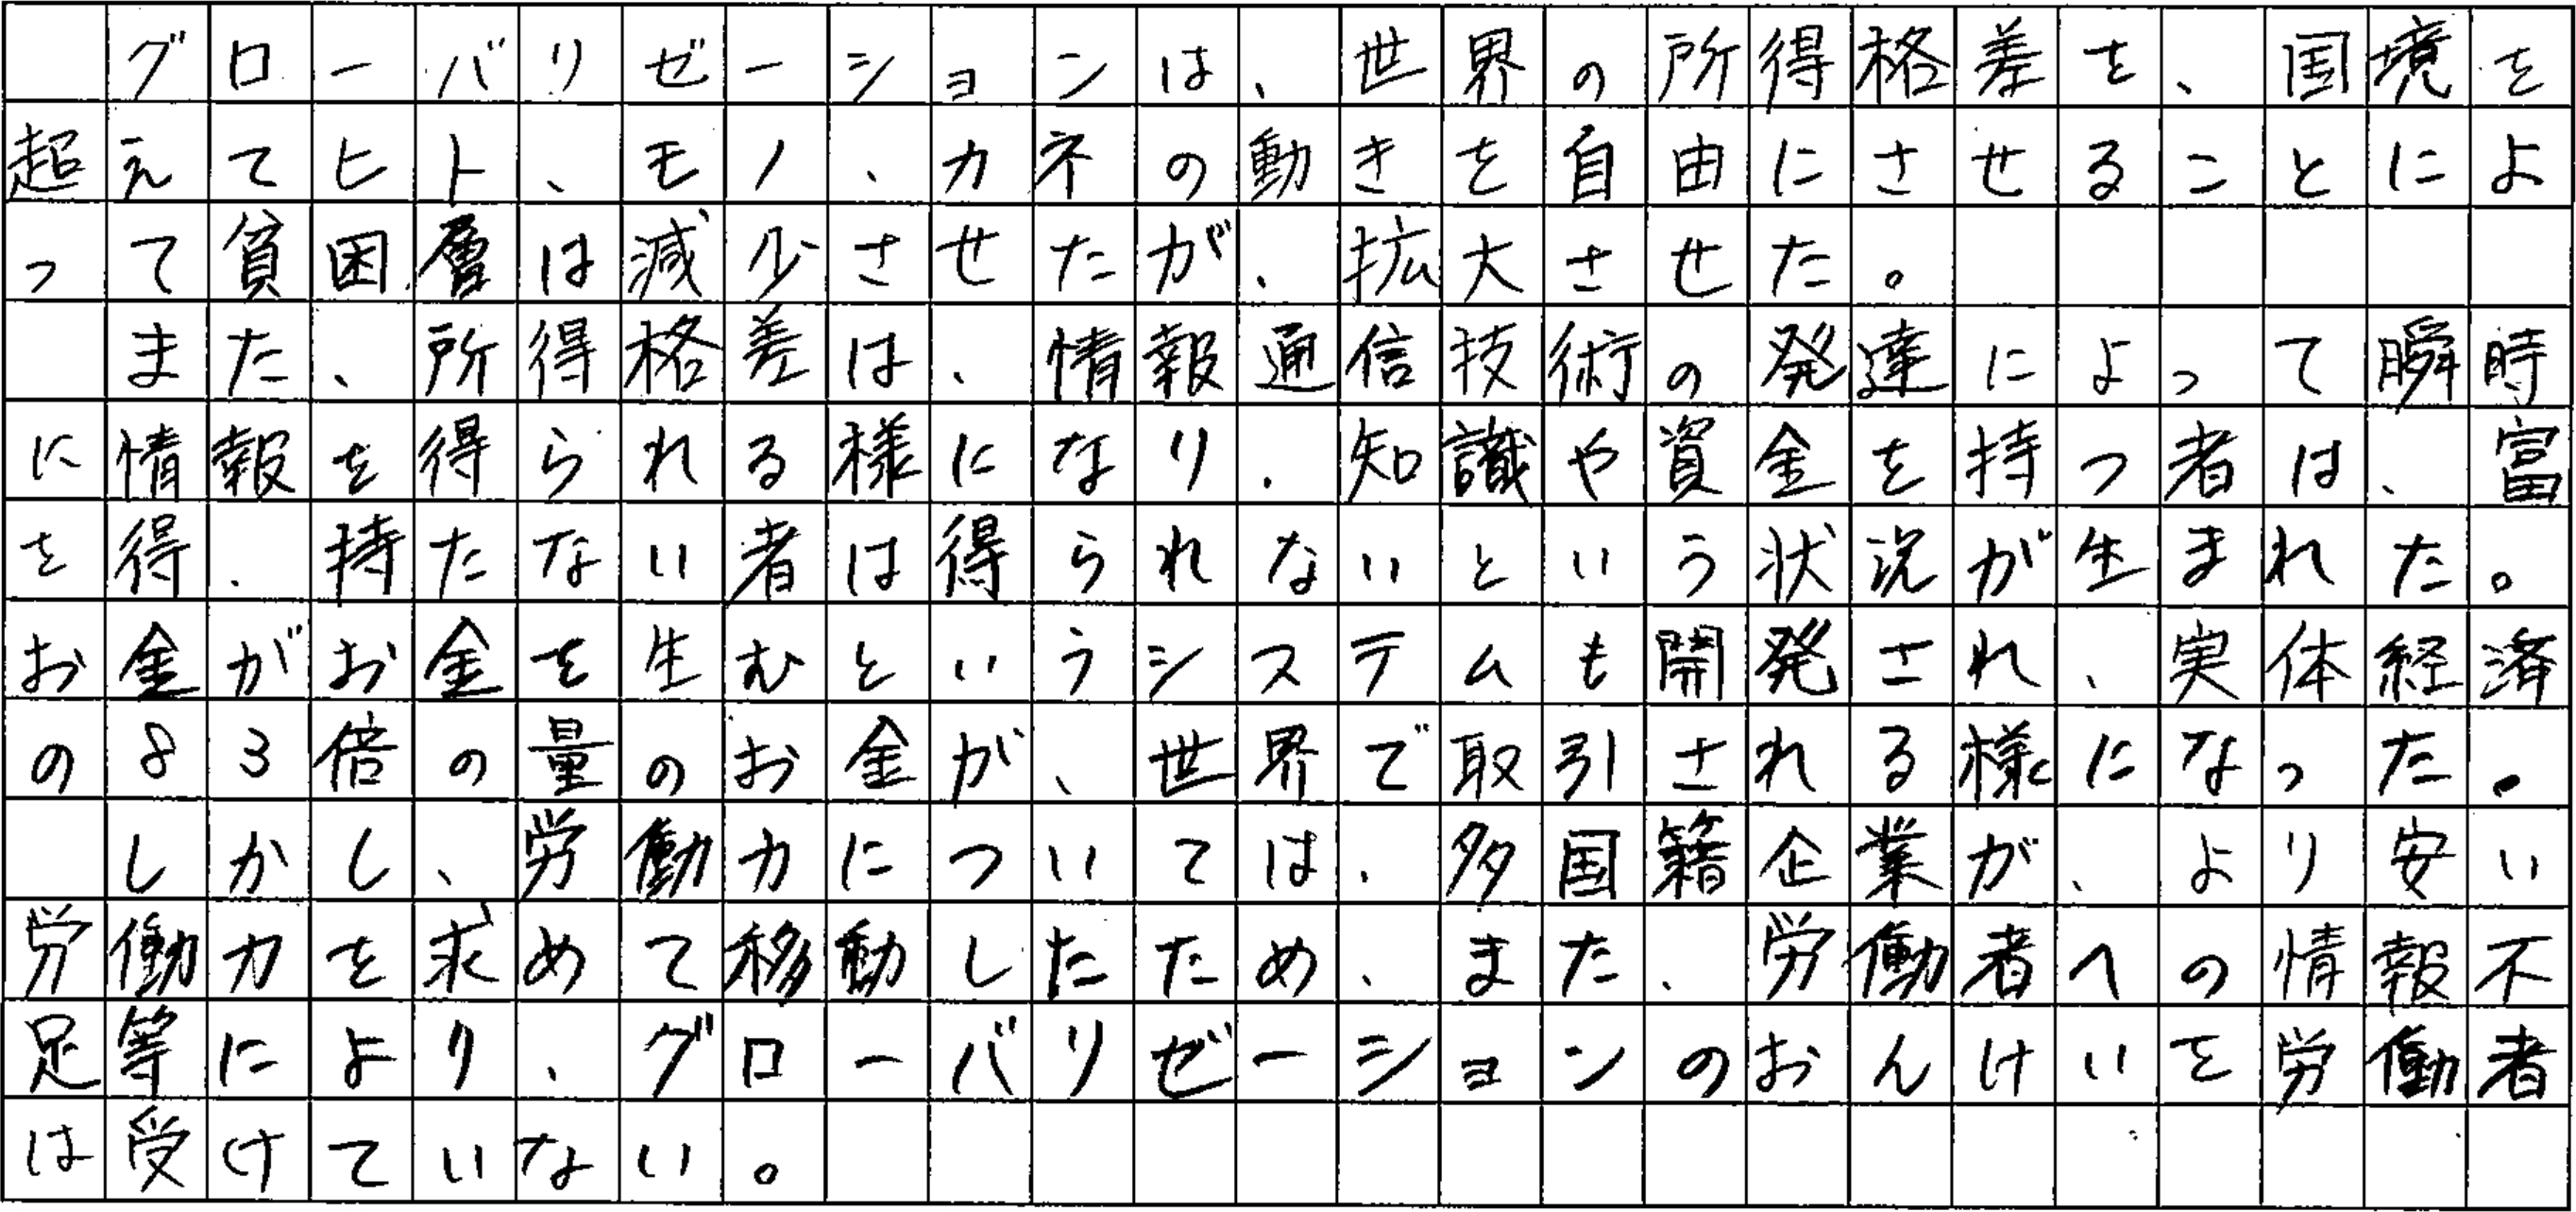　グローバリゼーションは、世界の所得格差を、国境を超えてヒト、モノ、カネの動きを自由にさせることによって貧困層は減少させたが、拡大させた。
　また、所得格差は、情報通信技術の発達によって瞬時に情報を得られる様になり、知識や資金を持つ者は、富を得、持たない者は得られないという状況が生まれた。お金がお金を生むというシステムも開発され、実体経済の８３倍の量のお金が、世界で取引される様になった。
　しかし、労働力については、多国籍企業が、より安い労働力を求めて移動したため、また、労働者への情報不足等により、グローバリゼーションのおんけいを労働者は受けていない。
